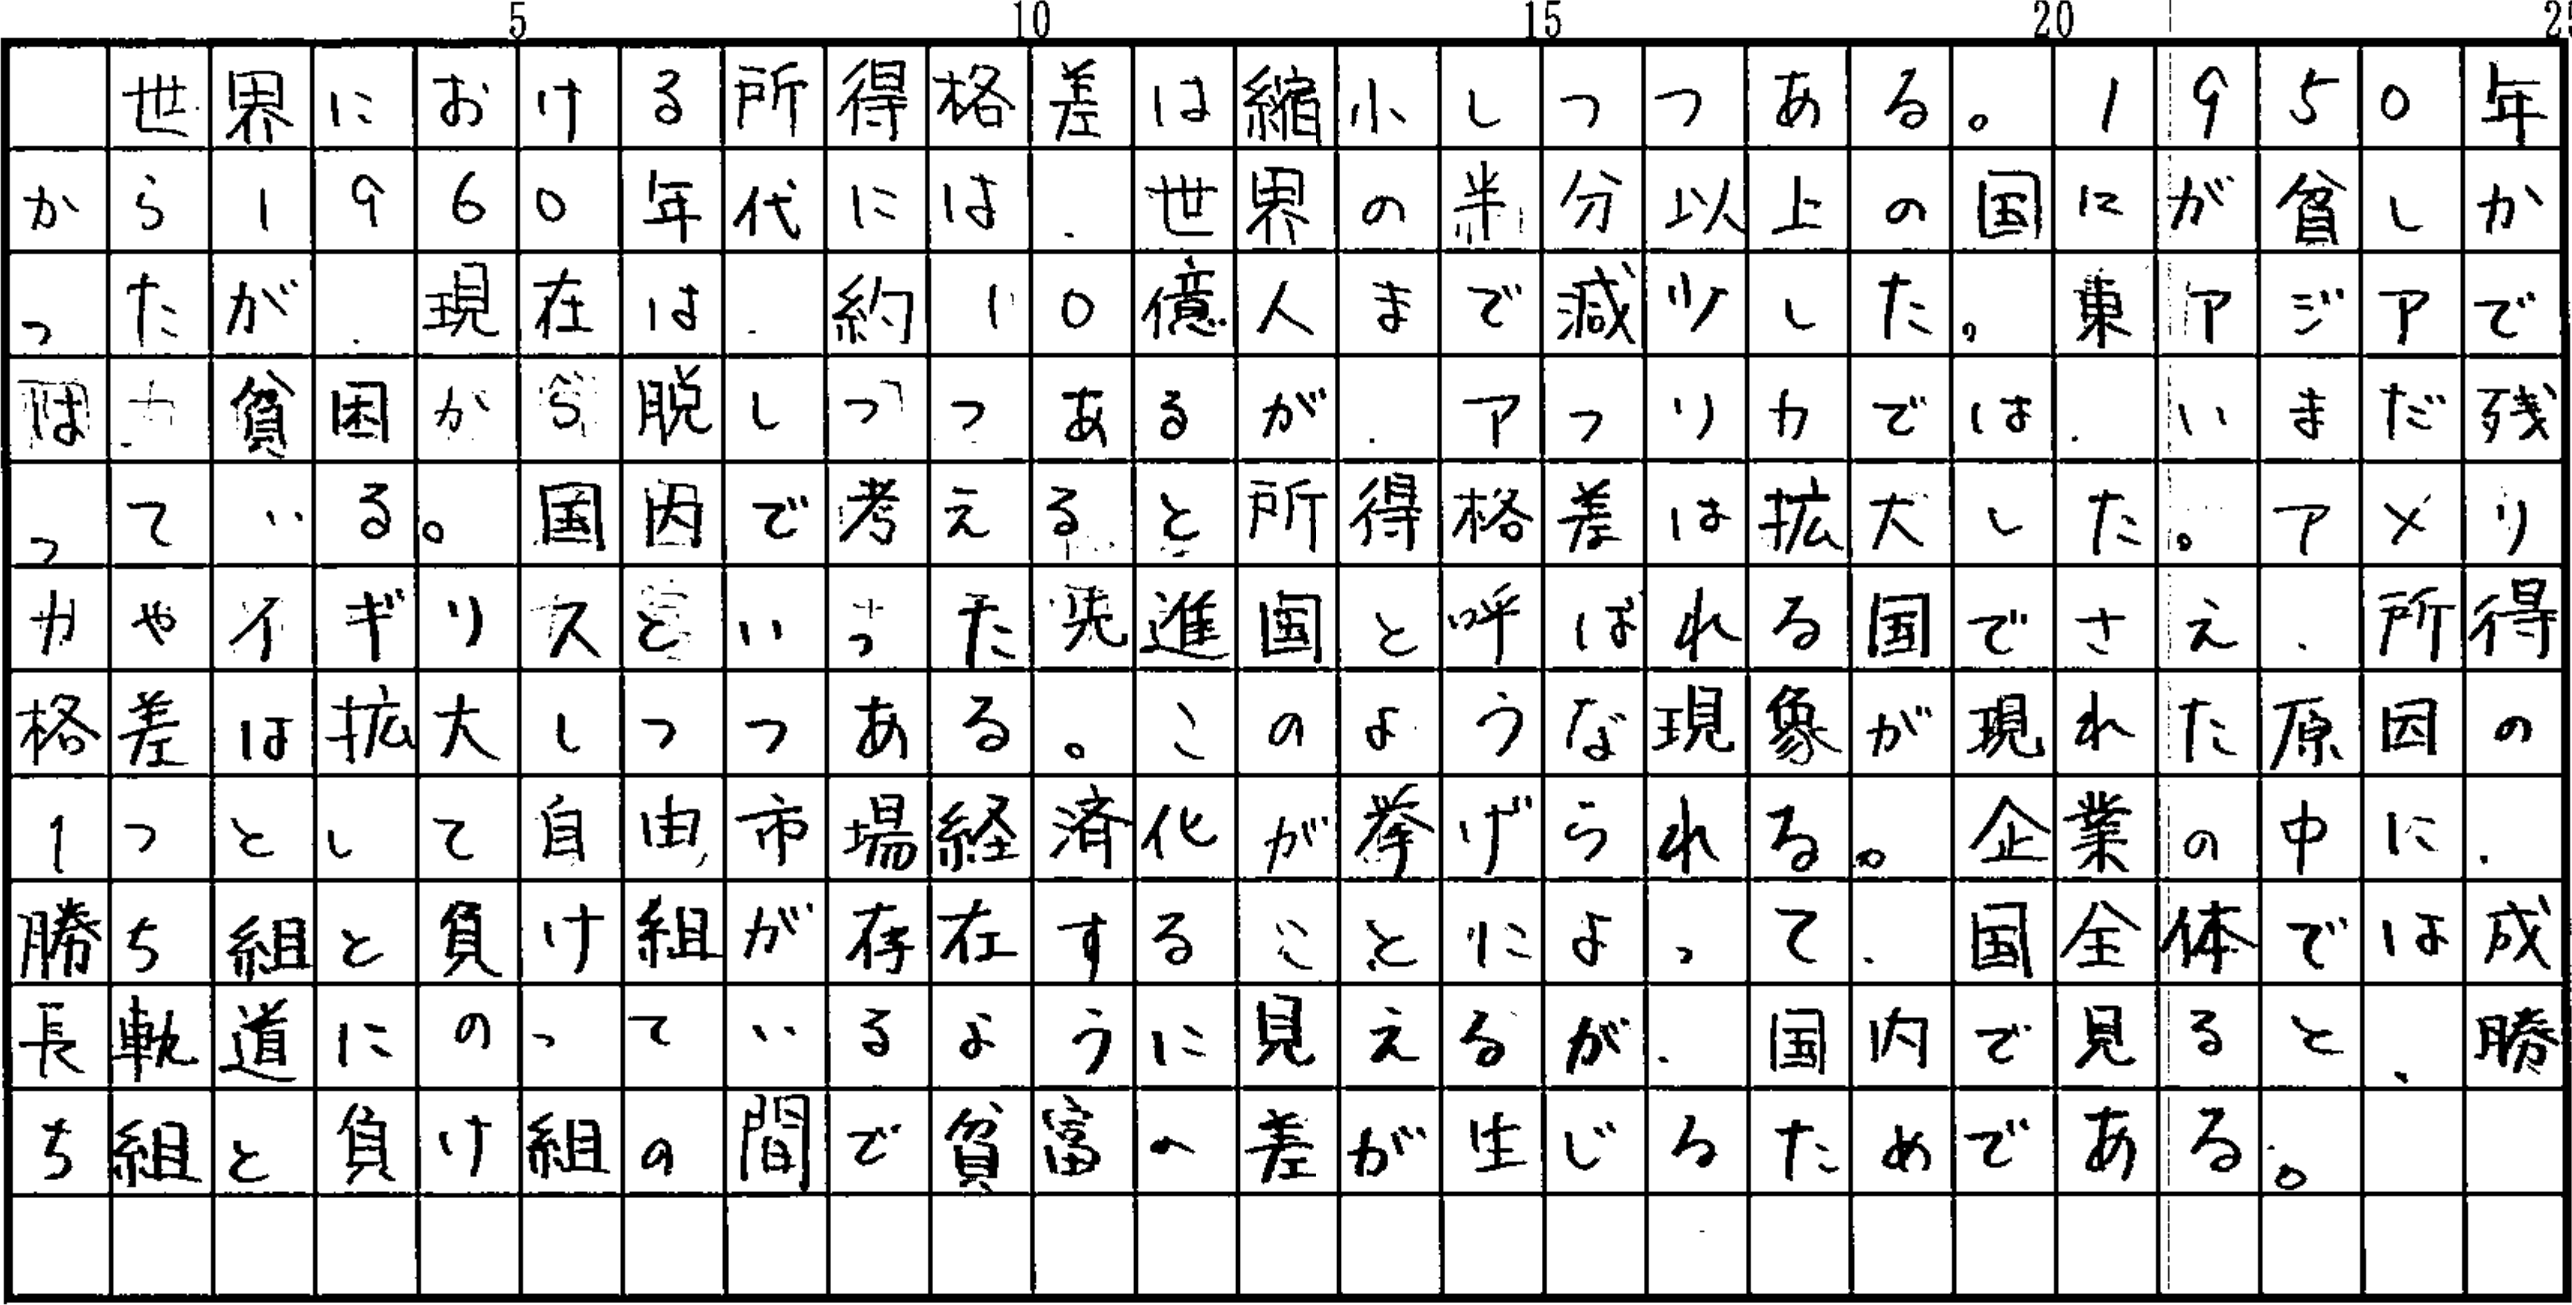　世界における所得格差は縮小しつつある。１９５０年から１９６０年代には、世界の半分以上の国々が貧しかったが、現在は、約１０億人まで減少した。東アジアでは、貧困から脱しつつあるが、アフリカでは、いまだ残っている。国内で考えると所得格差は拡大した。アメリカやイギリスといった先進国と呼ばれる国でさえ、所得格差は拡大しつつある。このような現象が現れた原因の１つとして自由市場経済化が挙げられる。企業の中に、勝ち組と負け組が存在することによって、国全体では成長軌道にのっているように見えるが、国内で見ると、勝ち組と負け組の間で貧富の差が生じるためである。
